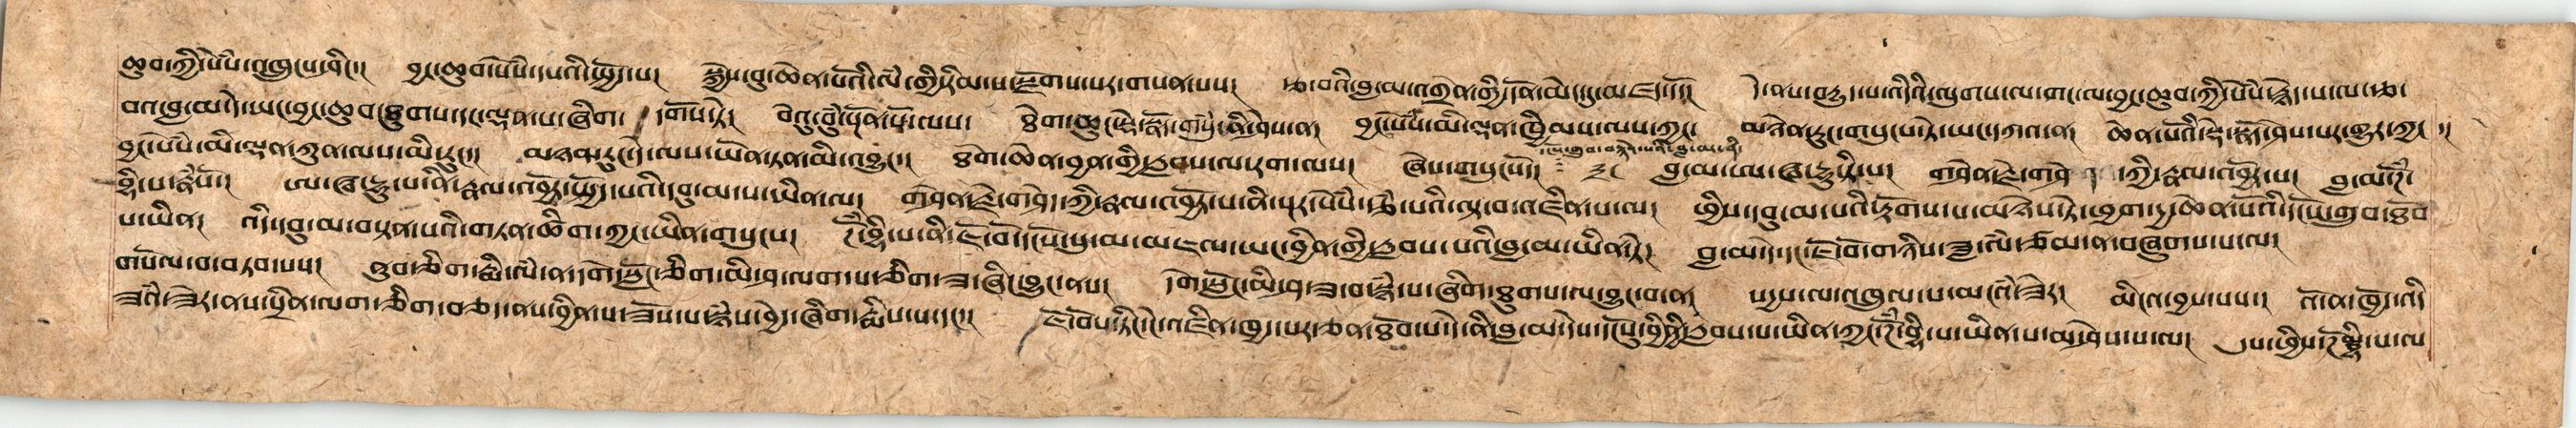ཆུབ་ཀྱི་སེྃས་འཁྲུངས་ཤིང་། བྱང་ཆུབ་སེྃས་དཔའི་སྤྱོད་པ། སྐྱེས་བུ་ཆེན་པོའི་ལྃ་གྱི་རིམ་པ་སྫོགས་པར་གསན་པས། རྩ་བའི་བླ་མ་འགྲེན་གྱི་དོན་མེད་དུ་མཛད་དོ། དེ་ནས་བདྱུད་པ་འདིའི་ལུགས་ལ་གང་ལ་བྱང་ཆུབ་ཀྱི་སེྃས་རྙེད་པ་ལ་རྩ་
བའ་བླ་མ་དེ་ཡང་བྱང་ཆུབ་ཐུགས་དང་ལྡན་པ་ཞིག་ དགོས་ཏེ། བེའུ་བུཾ་སྔོན་པོ་ལས། ཐེག་ཆུང་སྡེ་སྣོད་གསུཾ་ནི་ཤེས་ན། བྱང་སེཾས་མི་ལྡན་ཁྱིམས་ལས་ཀྱང་། མཉེན་རུང་གསུངས་ཏེ་ཡང་དཀའ་ན། ཆེན་པོའི་སྡེ་སྣོད་ཤེས་པར་གྱུར་ཀྱང ་།
བྱང་སེྃས་མི་ལྡན་ཀུན་ལས་མི་རུང་། མཉན་རུང་དེ་ལས་ཡོན་ཏན་མི་འབྱུང་། ཐེག་ཆེན་བྱན་གྱི་རླབས་ལ་རག་ལས་། ཞེས་གསུངསོ། ༣། བླ་མ་ཨ་ཝ་དྷུ་ཏི་པ་། གཤིན་རྗེ་གཤེ ད་ཀྱི་རྣལ་འབྱོར་པ་། བླ་མ་ཌོཾ་
བྷི་པ་རྣཾསོ་། ཨ་ཝ་དྷུ་པ་ནི་རྣལ་འབྱོར་སྤྱོད་པའི་དབུ་མ་པ་ཡིན་ལ། གཤིན་རྗེ་གཤེད་ཀྱི་རྣལ་འབྱོར་པ་ནི་སྔར་སེསྃ་ཙཾ་པའི་ལྟ་བ་འཛིན་པ་ལ། ཕྱིས་དབུ་མ་པའི་རྟོགས་པ་མཉེས་ཏེ་ཕྱག་དྱ་ཆེན་པོའི་དངོས་གྲུབ་ཐོབ
པ་ཡིན། འདི་དབུ་མ་བསྟན་པའི་གཏན་ཚིགས་ཀྱང་ཡིན་གསུངས། ཌོཾ་བྷི་པ་ནི་ཇོ་བོ་དངོས་སུ་མ་མཇལ་ཡང་བྱིན་གྱི་རླབས་པའི་བླ་མ་ཡིན་ཏེ། བླ་མ་དེ་དང་ཇོ་བོ་གཉིས་ཟླ་ལཾ་ཙམ་ན་བཞུགས་པ་ལ།
གསོལ་བ་བཏབ་པས། ནུབ་གཅིག་རྨི་ལཾ་ན་དགེ་སློང་ཅིག་མི་ཤ་ལག་པ་གཅིག་ཟ་ཞིང་བྱུང་ནས། དགེ་སློང་མི་ཤ་ཟ་བ་སྙཾ་པ་ཞིག་ཐུགས་ལ་བྱུང་བ་ན། སདྱས་ལ་འཁྲུལ་པ་མངའཾ་ཟེར། མིངའ་བྱས་པས། འོ་ན་ཁྱོད་འདི
ཟའཾ་ཟེར་ནས་སྲིན་ལག་ཅིག་བཅད་ནས་བྱིན་པ་ཟོས་པ་སྙཾས་བྱེད་ཞིག་རྨིས་པ་དང་། ཇོ་བོས་ཏིང་ངེ་འཛིན་ཁྱད་པར་ཅན་ཐོབ་པ་དེ་ནི་བླ་མ་དེས་དངོསུ་བྱིནྱིརླབས་པ་ཡིན་ཀྱང་ཌོཾ་བྷི་པ་ཡིན་པ་མ་ཤེས་པ་ལ། དུས་ཕྱིས་ཌོཾ་བྷི་པ་ལ